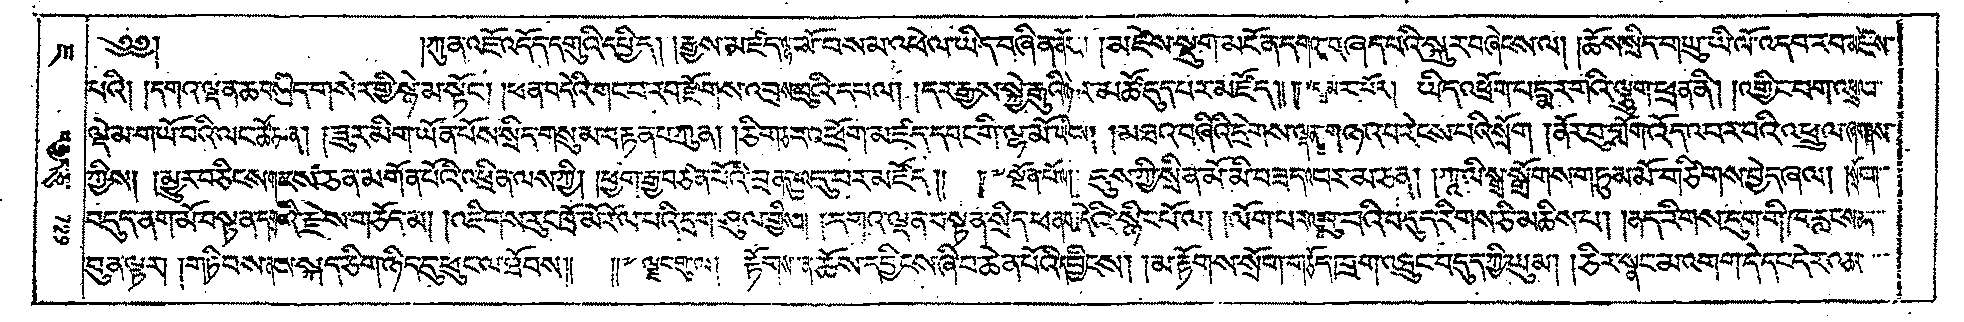༄༅། །ཀུན་འཇོ་འདོད་དགུའི་དཔྱིད། །རྒྱས་མཛད་ལྷ་མོ་བསམ་འཕེལ་ཡིད་བཞིན་ནོར། །མཛེས་སྡུག་མངོན་དགའ་བཞད་པའི་སྐུར་བཞེངས་ལ། །ཆོས་སྲིད་གཡུ་ཡི་ལོ་འདབ་རབ་མཛེས་
པའི། །དགའ་ལྡན་ཆབ་སྲིད་གསེར་གྱི་སྙེ་མ་སྟོང་། །ཕན་བདེའི་གང་བ་རབ་རྫོགས་འབྲས་བུའི་དཔལ། །དར་རྒྱས་སྐྱེ་རྒུའི་ཉེར་མཚོ་དུད་པར་མཛོད།། །། ༧་དམར་པོར།  ཡིད་འཕྲོག་པདམ་ར་གའི་ལྕུག་ཕྲན་ནི། །འགྱིང་བག་འཕྲུལ་
ལྡེམ་གཡོ་བའི་ལང་ཚོ་ཅན། །ཟུར་མིག་ཡོན་པོས་སྲིད་གསུམ་བརྟན་པ་ཀུན། །ཅིག་ཅར་འཕྲོག་མཛད་དབང་གི་ལྷ་མོ་ཡིས། །མཐའ་བཞིའི་དྲེགས་ལྡན་གཉའ་བ་རེངས་པའི་སྲོག །ནོར་བུ་གློག་འོད་འབར་བའི་འཕྲུལ་ཞགས་
ཀྱིས། །མྱུར་བཅིངས་གངས་ཅན་མགོན་པོའི་འཕྲིན་ལས་ཀྱི། །ཕྱག་རྒྱ་བཙན་པོའི་བྲན་དུ་འདུ་བར་མཛོད།། །། ༧་སྔོན་པོ་ལ།  དུས་ཀྱི་སྲིན་མོ་མི་བཟད་འབར་མ་ཅན། །ཀཱ་ལི་སྒྲ་སྒྲོགས་གཏུམ་མོ་གཙིགས་བྱེད་ཞལ། །སྲོག་
བདུད་ནག་མོ་བསྟན་དགྲའི་རྗེས་གཅོད་མ། །འཇིགས་རུང་ཁྲོ་མོ་རོལ་བའི་དྲག་ཤུལ་གྱིས། །དགའ་ལྡན་བསྟན་སྲིད་ཕན་བདེའི་སྙིང་པོ་ལ། །ལོག་པར་འཁུ་བའི་བདུད་རིགས་ཅི་མཆིས་པ། །ནད་རིགས་དུག་གི་ཁ་རླངས་ན་
བུན་ལྟར། །གཏིབས་ནས་སྐད་ཅིག་ཉིད་དུ་ཕུང་ལ་ཐོབས།། །།༧་ལྗང་གུ་ལ།  རྟོགས་ན་ཆོས་དབྱིངས་ཞི་བ་ཆེན་པོའི་དབྱིངས། །མ་རྟོགས་སྲོག་གཅོད་ཁྲག་འཐུང་བདུད་ཀྱི་ཡུམ། །ཅིར་སྣང་མ་འགག་དེ་དང་དེར་འཆར་